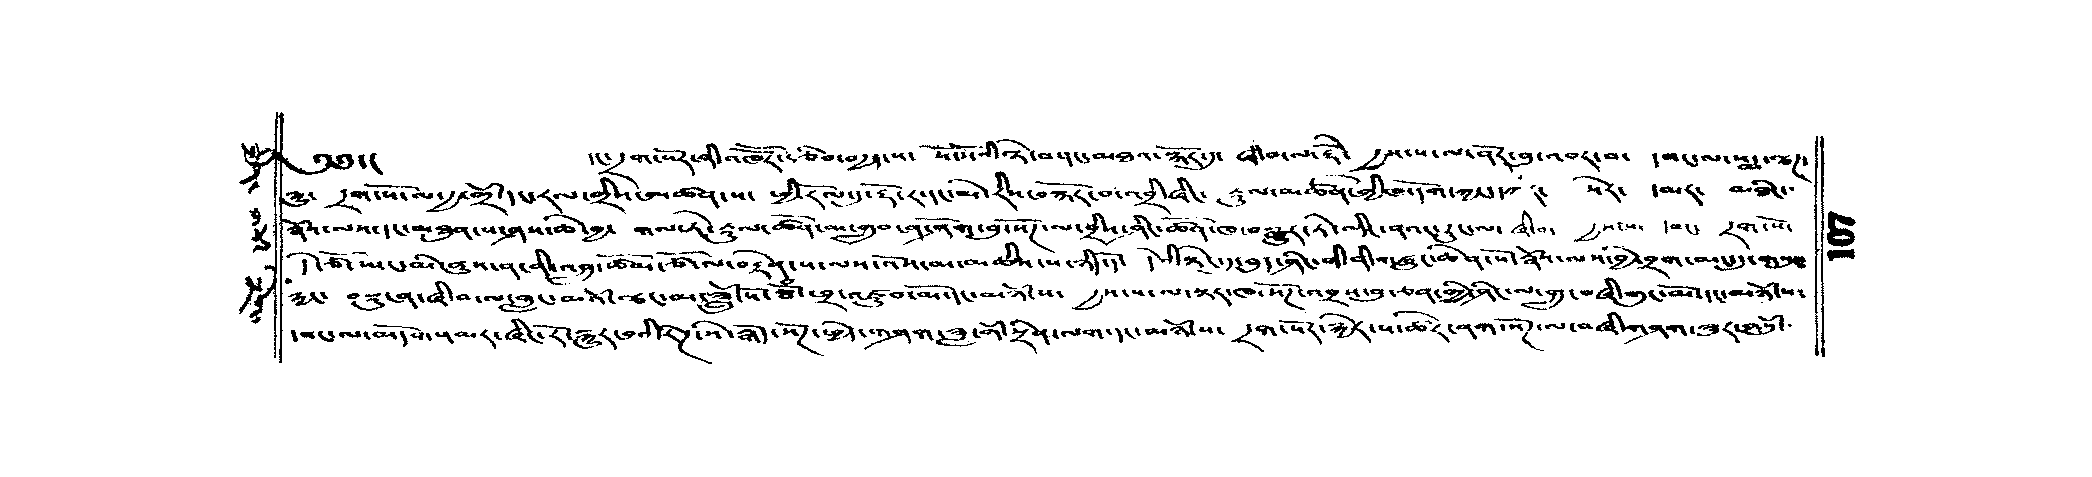དང་དྲག་པོར་ནི་འཁོར་ལོ་རྩིབས་བརྒྱད་པ། སོ་སོའི་ལྟེ་བ་དང་མཐའ་སྐོར་དུ། ཞི་བ་ལ་རྡོ་རྗེ། རྒྱས་པ་ལ་ནོར་བུ་འབར་བ། དབང་ལ་པདྨ་ལྕགས་
ཀྱུ། དྲག་པོ་ལ་རྒྱ་གྲམ་དང་རལ་གྲིས་མཚན་པ། ཕྱི་རོལ་དུ་རྡོ་ར་དང་མེ་རིས་བསྐོར་བ་འབྲི་ཞིང་། རྡུལ་མཚན་གྱི་ཁ་དོག་ཀྱང་དཀར་ཞི་བ། སེར་རྒྱས་པ། དམར་
རྣམས་ལས་དང་མཐུན་པར་ཤས་ཆེ་བྱ། གལ་ཏེ་རྡུལ་ཚོན་མ་གྲུབ་ན་ཤོག་བུ་སོགས་ལ་བྲིས་ཤིང་ཚོན་ཁ་བསྒྱུར་ཏེ་འདིང་ནའང་རུང་ལ། ཞི་བ་ རྒྱས་པ དབང་། དྲག་པོ་
དེ་ཙམ་ཡང་མི་ནུས་ན་ནི་འབྲུ་ཚོམ་ཙོ་ལ་བརྟེན་པ་ལས་འོས་མ་མཆིས་པ་ཉིད་དོ། དེའི་སྟེང་དུ་བུད་ཤིང་གི་ནི་གཞུང་ཆེན་པོ་རྣམས་ལས་བྱེ་བྲག་མང་དུ་གསུངས་
ཀྱང་། བསྡུ་ན་ཞི་བ་ལ་གླང་མའམ་ལྕང་མ་ཟླུམ་པོ་སྦོམ་ཕྲ་འཛུབ་མོ་དང་མཉམ་པ། རྒྱས་པ་ལ་སྟར་ཁ་སོགས་འབྲས་བུ་ཅན་གྱི་ཤིང་ལ་གྲུ་བཞི་གུང་མོ་དང་མཉམ་པ། 
དབང་ལ་མདོག་དམར་ཞིང་རོ་སྐྱུར་བའི་རིགས་སེ་རྒོད་སོགས་ཕྱེད་གཤག་ཟླ་གམ་སྲིན་ལག་དང་མཉམ་པ། དྲག་པོར་སྐྱེར་ས་ཚེར་ནག་སོགས་ལ་བཞི་གཤག་ཟུར་གསུམ་